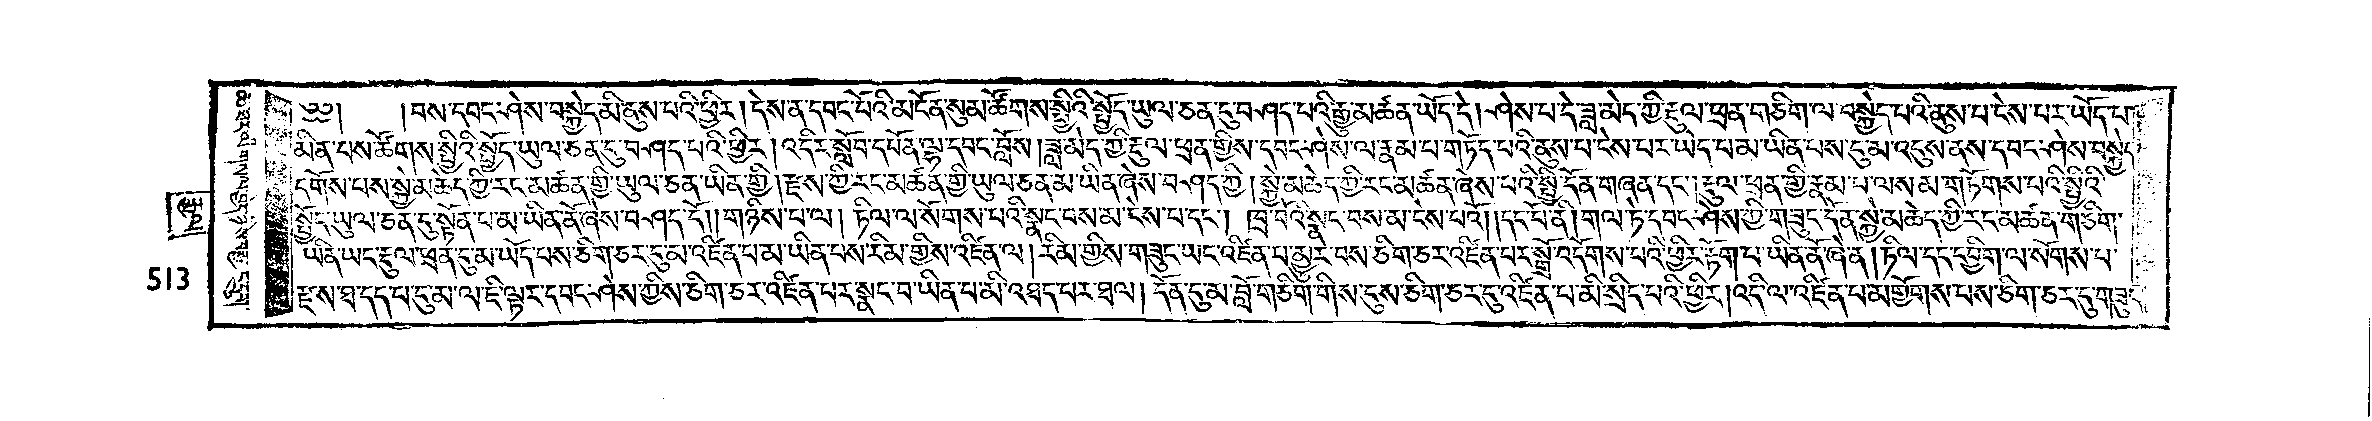༄༅། །བས་དབང་ཤེས་བསྐྱེད་མི་ནུས་པའི་ཕྱིར། དེས་ན་དབང་པོའི་མངོན་སུམ་ཚོགས་སྤྱིའི་སྤྱོད་ཡུལ་ཅན་དུ་བཤད་པའི་རྒྱུ་མཚན་ཡོད་དེ། ཤེས་པ་དེ་ཟླ་མེད་ཀྱི་རྡུལ་ཕྲན་གཅིག་ལ་བསྐྱེད་པའི་ནུས་པ་ངེས་པར་ཡོད་པ་
མིན་པས་ཚོགས་སྤྱིའི་སྤྱོད་ཡུལ་ཅན་དུ་བཤད་པའི་ཕྱིར། འདིར་སློབ་དཔོན་ལྷ་དབང་བློས། ཟླ་མེད་ཀྱི་རྡུལ་ཕྲན་གྱིས་དབང་ཤེས་ལ་རྣམ་པ་གཏོད་པའི་ནུས་པ་ངེས་པར་ཡོད་པ་མ་ཡིན་པས་དུ་མ་འདུས་ནས་དབང་ཤེས་བསྐྱེད་
དགོས་པས་སྐྱེ་མཆེད་?་ཀྱི་རང་མཚན་གྱི་ཡུལ་ཅན་ཡིན་གྱི། རྫས་ཀྱི་རང་མཚན་གྱི་ཡུལ་ཅན་མ་ཡིན་ཞེས་བཤད་ཀྱི། སྐྱེ་མཆེད་ཀྱི་རང་མཚན་ཞེས་པའི་སྤྱི་དོན་གཞན་དང་། རྡུལ་ཕྲན་གྱི་རྣམ་པ་ལས་མ་གཏོགས་པའི་སྤྱིའི་
སྤྱོད་ཡུལ་ཅན་དུ་སྟོན་པ་མ་ཡིན་ནོ་ཞེས་བཤད་དོ། །གཉིས་པ་ལ། ཏིལ་ལ་སོགས་པའི་སྣང་བས་མ་ངེས་པ་དང་། ཁྲ་བོའི་སྣང་བས་མ་ངེས་པའོ། །དང་པོ་ནི། གལ་ཏེ་དབང་ཤེས་ཀྱི་གཟུང་དོན་སྐྱེ་མཆེད་ཀྱི་རང་མཚན་གཅིག་
ཡིན་ཡང་རྡུལ་ཕྲན་དུ་མ་ཡོད་པས་ཅིག་ཅར་དུ་མ་འཛིན་པ་མ་ཡིན་པས་རིམ་གྱིས་འཛིན་ལ། རིམ་གྱིས་གཟུང་ཡང་འཛིན་པ་མྱུར་བས་ཅིག་ཅར་འཛིན་པར་སྒྲོ་འདོགས་པའི་ཕྱིར་རྟོག་པ་ཡིན་ནོ་ཞེ་ན། ཏིལ་དང་དཔྱི་?་ག་?་ལ་སོགས་པ་
རྫས་ཐ་དད་པ་དུ་མ་ལ་ཇི་ལྟར་དབང་ཤེས་ཀྱིས་ཅིག་ཅར་འཛིན་པར་སྣང་བ་ཡིན་པ་མི་འཐད་པར་ཐལ། དོན་དུ་མ་བློ་གཅིག་གིས་དུས་ཅིག་ཅར་དུ་འཛིན་པ་མི་སྲིད་པའི་ཕྱིར། འདི་ལ་འཛིན་པ་མགྱོགས་པས་ཅིག་ཅར་དུ་གཟུང་